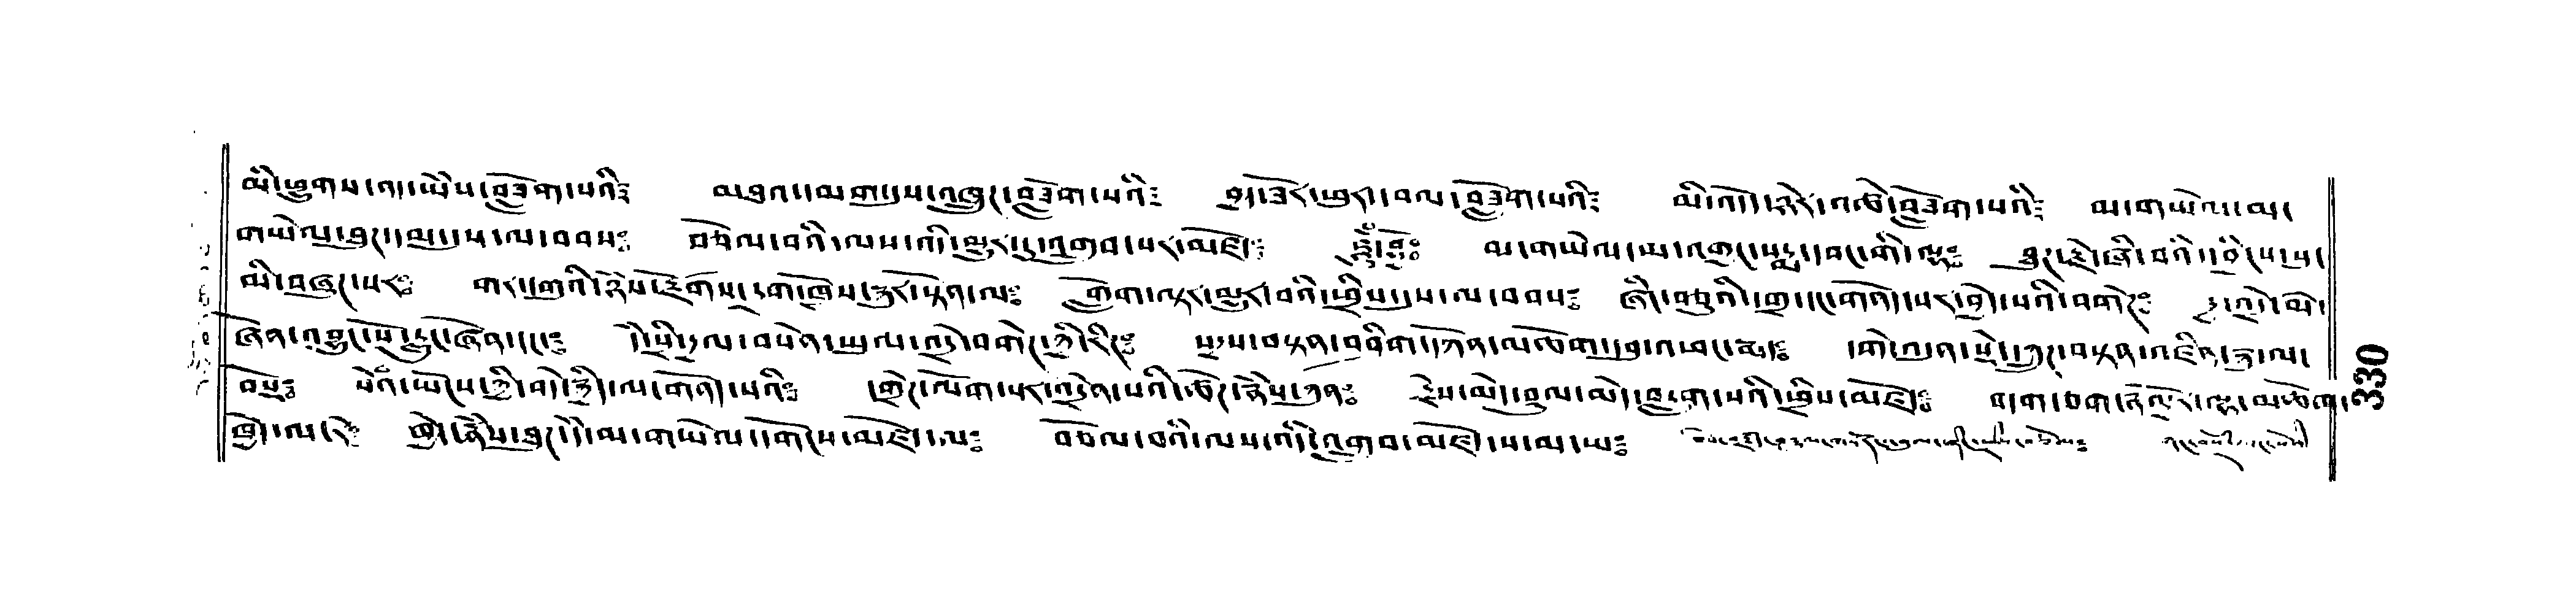མི་ཕྱུགས་ནད་ཡམས་བཟློག་པའི༴ མཐའ་དམག་དུས་འཁྲུགས་བཟློག་པའི༴ བྱད་ཟོར་ཕུར་དབལ་བཟློག་པའི༴ མི་འདོད་ཉེར་འཚེ་བཟློག་པའི༴ མ་གཡེལ་མ་
གཡེལ་ཐུགས་དམ་དུས་ལ་བབས༔ བཅོལ་བའི་ལས་འདི་མྱུར་དུ་འགྲུབ་པར་མཛོད༔ ཧཱུྃ་བྷྱོ༔ མ་གཡེལ་མ་འགྱང་པདྨ་དབང་གི་ལྷ༔ ཐུགས་རྗེ་ཞི་བའི་དབྱིངས་སུ་
མི་བཞུགས་པར༔ གར་དགུའི་ཉམས་རྫོགས་དྲག་ཁྲོས་སྐུར་སྟོན་ལ༔ གློག་ལྟར་མྱུར་བའི་ཕྲིན་ལས་དུས་ལ་བབས༔ ཞིང་བཅུའི་དགྲ་དང་གནོད་པར་བྱེད་པའི་བགེགས༔ རྒྱ་འདྲེ་མེ་
ཞོན་འབྱུང་པོ་རླུང་ཞོན་དང༔ དམ་སྲི་རྒྱལ་བསེན་ཡུལ་འདྲ་བགེགས་ཀྱི་རིགས༔ སངས་རྒྱས་བསྟན་བཤིག་དཀོན་མཆོག་དབུ་འཕང་སྨད༔དགེ་འདུན་སྡེ་དཀྲུགས་བསྟན་འཛིན་སྐུ་ལ་
བསྡོ༔ སེམས་ཅན་ཡོངས་ཀྱི་བདེ་སྐྱིད་ལ་གནོད་པའི༔ དགྲ་བགེགས་ལོག་པར་འདྲེན་པའི་ཚོགས་རྣམས་ཀུན༔ རྗེས་མེད་ཤུལ་མེད་བརླག་པའི་ཕྲིན་ལས་མཛོད༔ བདག་ཅག་རྣལ་འབྱོར་ལྷ་མཆོག་
ཁྱོད་ལ་རེ༔ ཁྱེད་རྣམས་ཐུགས་དམ་མ་གཡེལ་དགོངས་མཛོད་ལ༔ བཅོལ་བའི་ལས་འདི་འགྲུབ་མཛོད་ས་མ་ཡ༔ ཅེས་བརྗོད་བསྐུལ་གཏོར་འབུལ་ཞིང་ཕྲིན་ལས་བཅོལ༔ གང་བསམ་དྲག་པོའི་